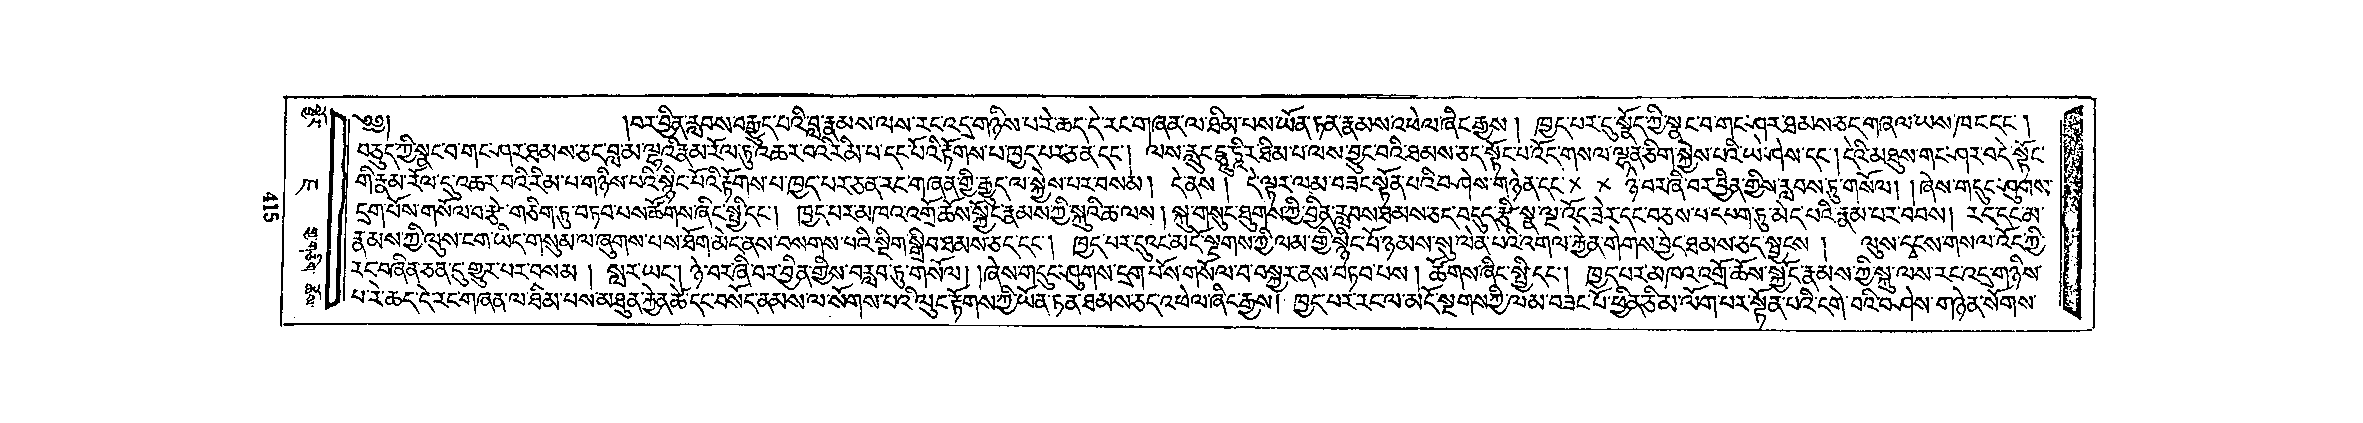༄༅། །བར་བྱིན་རླབས་བརྒྱུད་པའི་བླ་རྣམས་ལས་རང་འདྲ་གཉིས་པ་རེ་ཆད་དེ་རང་གཞན་ལ་ཐིམ་པས་ཡོན་ཏན་རྣམས་འཕེལ་ཞིང་རྒྱས། ཁྱད་པར་དུ་སྣོད་ཀྱི་སྣང་བ་གང་ཤར་ཐམས་ཅད་གཞལ་ཡས་ཁང་དང་།
བཅུད་ཀྱི་སྣང་བ་གང་ཤར་ཐམས་ཅད་བླ་མ་ལྷའི་རྣམ་རོལ་ཏུ་འཆར་བའི་རིམ་པ་དང་པོའི་རྟོགས་པ་ཁྱད་པར་ཅན་དང་། ལས་རླུང་དྷཱུ་ཏཱིར་ཐིམ་པ་ལས་བྱུང་བའི་ཐམས་ཅད་སྟོང་པ་འོད་གསལ་ལྷན་ཅིག་སྐྱེས་པའི་ཡེ་ཤེས་དང་། དེའི་མཐུས་གང་ཤར་བདེ་སྟོང་
གི་རྣམ་རོལ་དུ་འཆར་བའི་རིམ་པ་གཉིས་པའི་སྙིང་པོའི་རྟོགས་པ་ཁྱད་པར་ཅན་རང་གཞན་གྱི་རྒྱུད་ལ་སྐྱེས་པར་བསམ། དེ་ནས། དེ་ལྟར་ལམ་བཟང་སྟོན་པའི་བཤེས་གཉེན་དང་྾་྾་ཉེ་བར་ཞི་བར་བྱིན་གྱིས་རླབས་ཏུ་གསོལ། །ཞེས་གདུང་ཤུགས་
དྲག་པོས་གསོལ་བ་རྩེ་གཅིག་ཏུ་བཏབ་པས་ཚོགས་ཞིང་སྤྱི་དང་། ཁྱད་པར་མཁའ་འགྲོ་ཆོས་སྐྱོང་རྣམས་ཀྱི་སྐུའི་ཆ་ལས། སྐུ་གསུང་ཐུགས་ཀྱི་བྱིན་རླབས་ཐམས་ཅད་བདུད་རྩི་སྣ་ལྔ་འོད་ཟེར་དང་བཅས་པ་དཔག་ཏུ་མེད་པའི་རྣམ་པར་བབས། རང་དང་མ་
རྣམས་ཀྱི་ལུས་ངག་ཡིད་གསུམ་ལ་ཞུགས་པས་ཐོག་མེད་ནས་བསགས་པའི་སྡིག་སྒྲིབ་ཐམས་ཅད་དང་། ཁྱད་པར་དུའང་མདོ་སྔགས་ཀྱི་ལམ་གྱི་སྙིང་པོ་ཉམས་སུ་ལེན་པའི་འགལ་རྐྱེན་གེགས་བྱེད་ཐམས་ཅད་སྦྱངས། ལུས་དྭངས་གསལ་འོད་ཀྱི་
རང་བཞིན་ཅན་དུ་གྱུར་པར་བསམ། སླར་ཡང་། ཉེ་བར་ཞི་བར་བྱིན་གྱིས་བརླབ་ཏུ་གསོལ། །ཞེས་གདུང་ཤུགས་དྲག་པོས་གསོལ་བ་བསྐྱར་ནས་བཏབ་པས། ཚོགས་ཞིང་སྤྱི་དང་། ཁྱད་པར་མཁའ་འགྲོ་ཆོས་སྐྱོང་རྣམས་ཀྱི་སྐུ་ལས་རང་འདྲ་གཉིས་
པ་རེ་ཆད་དེ་རང་གཞན་ལ་ཐིམ་པས་མཐུན་རྐྱེན་ཚེ་དང་བསོད་ནམས་ལ་སོགས་པའི་ལུང་རྟོགས་ཀྱི་ཡོན་ཏན་ཐམས་ཅད་འཕེལ་ཞིང་རྒྱས། ཁྱད་པར་རང་ལ་མདོ་སྔགས་ཀྱི་ལམ་བཟང་པོ་ཕྱིན་ཅི་མ་ལོག་པར་སྟོན་པའི་དགེ་བའི་བཤེས་གཉེན་སོགས་